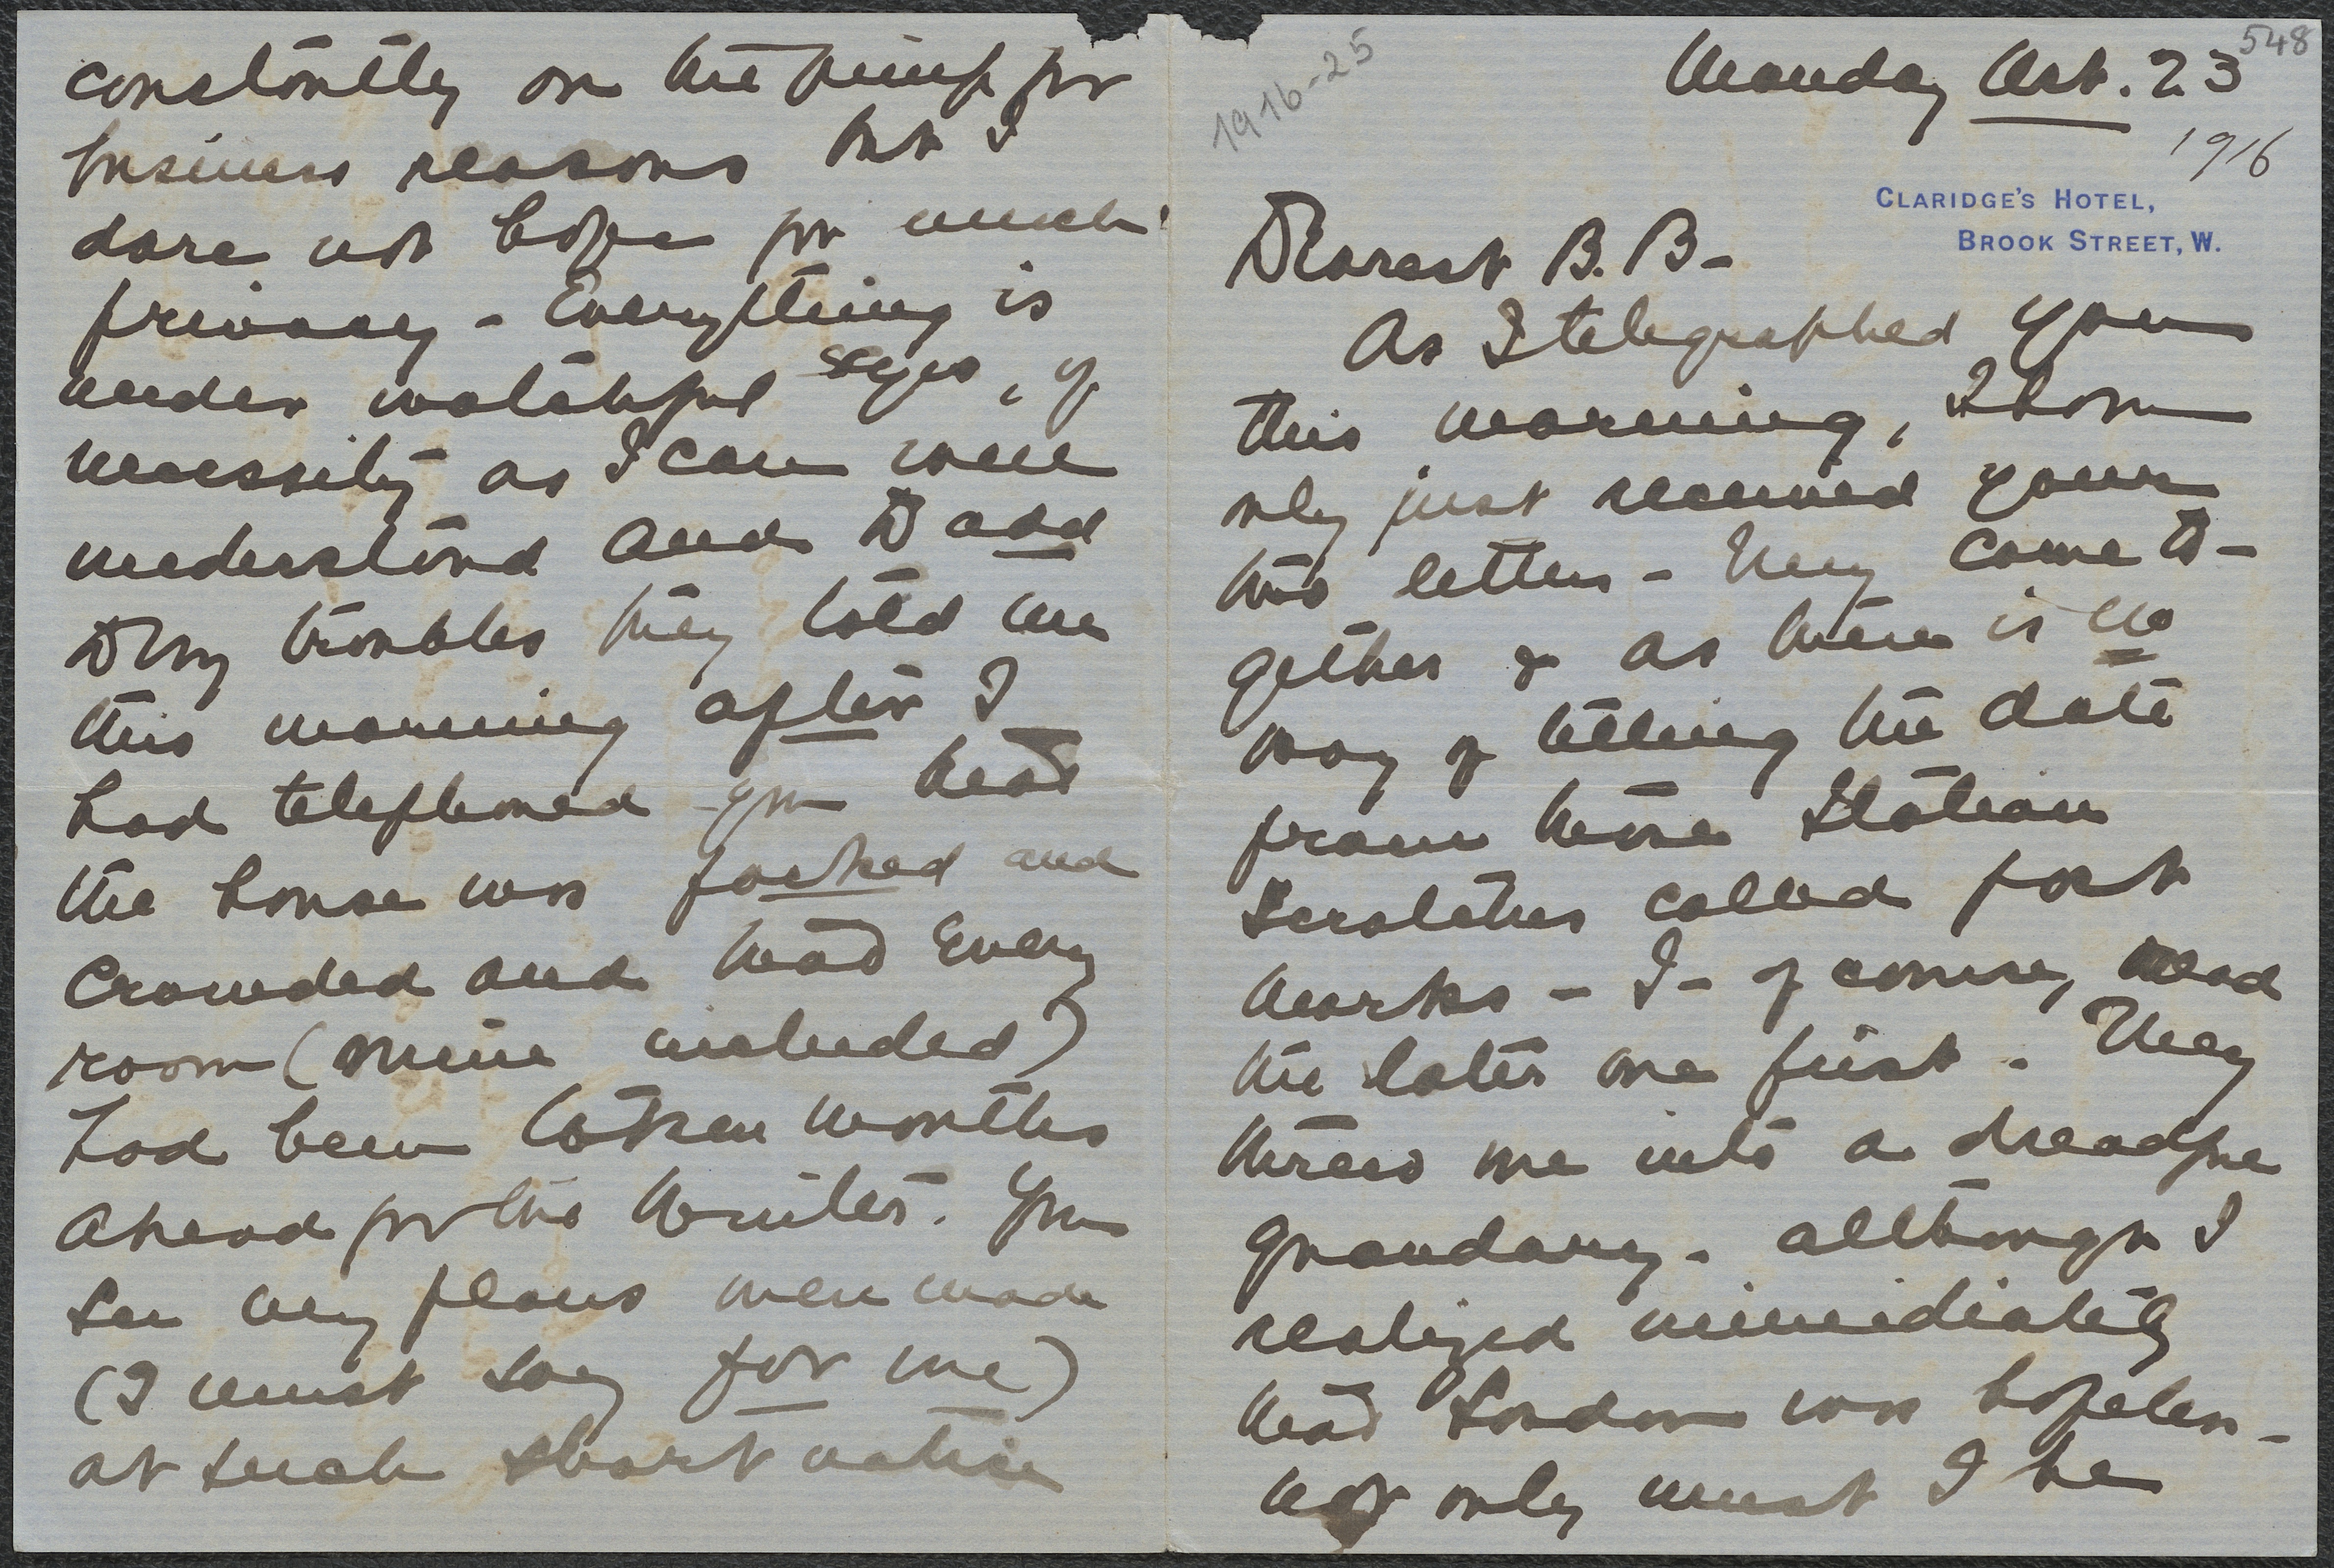Monday, Oct. 23
Dearest B.B –
As I telegraphed you this morning, I have only just received your two letters – They came together & as there is [double underlined: no] way of telling the date from those Italian scratches called postmarks – I – of course, read the later one first – They threw me into a dreadful quandary – although I realized immediately that London was hopeless – not only must I be
constantly on the jump for business reasons but I dare not hope for much privacy – Everything is under watchful eyes, of necessity as I can well understand and to add to my troubles they told me this morning after I had telephoned you that the house was packed and crowded and that every room (mine included) had been taken months ahead for the winter. You see my plans were made (I must say for me) at such short notice